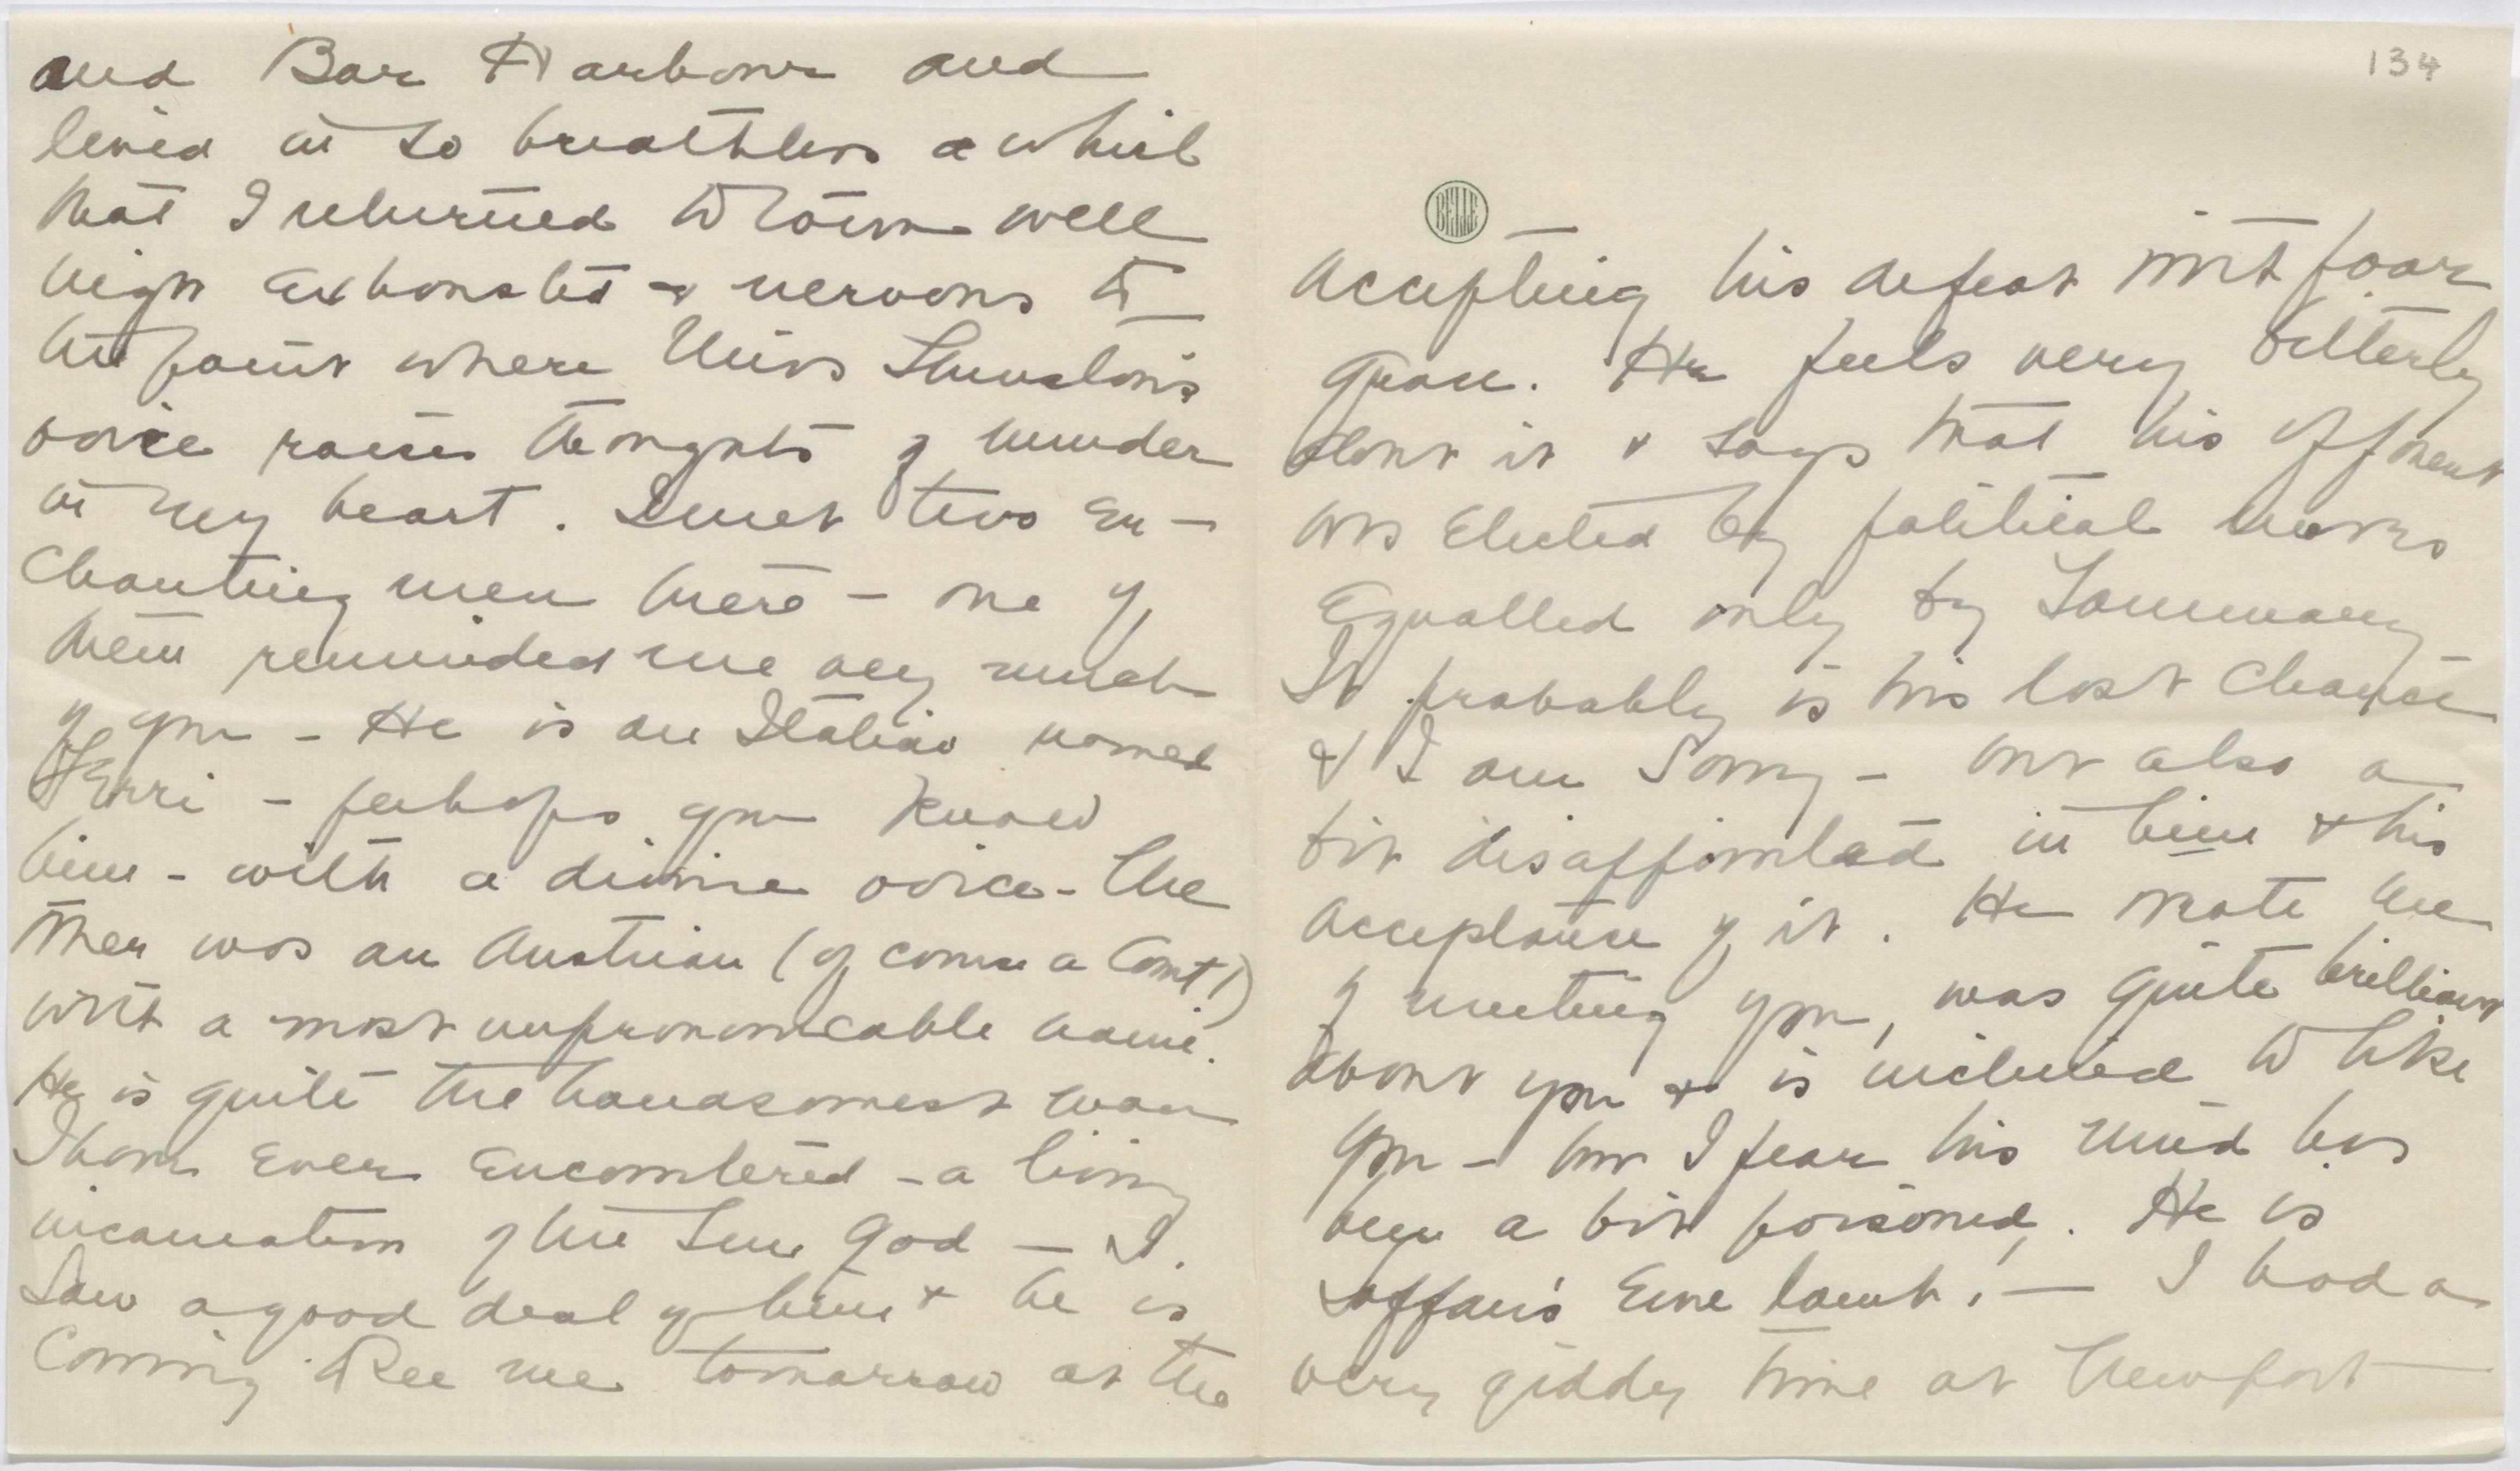accepting his defeat with poor grace. He feels very bitterly about it & says that his opponent was elected by political moves equalled only by Tammany – It probably is his last chance & I am sorry – but also a bit disappointed in him & his acceptance of it. He wrote me of meeting you, was quite brilliant about you & is inclined to like you – but I fear his mind has been a bit poisoned. He is Laffan’s eine lamt! – I had a very giddy time at Newport
and Bar Harbour and lived at so breathless a whirl that I returned to town well nigh exhausted & nervous to the point where Miss Thurston’s voice raises thoughts of murder in my heart. I met two enchanting men there – one of them reminded me very much of you – He is an Italian named Ferri – perhaps you know him – with a divine voice – the other was an Austrian (of course a Count!) with a most unpronounceable name. He is quite the handsomest man I have ever encountered – a living incarnation of the Sun God – I saw a good deal of him & he is coming to see me tomorrow at the